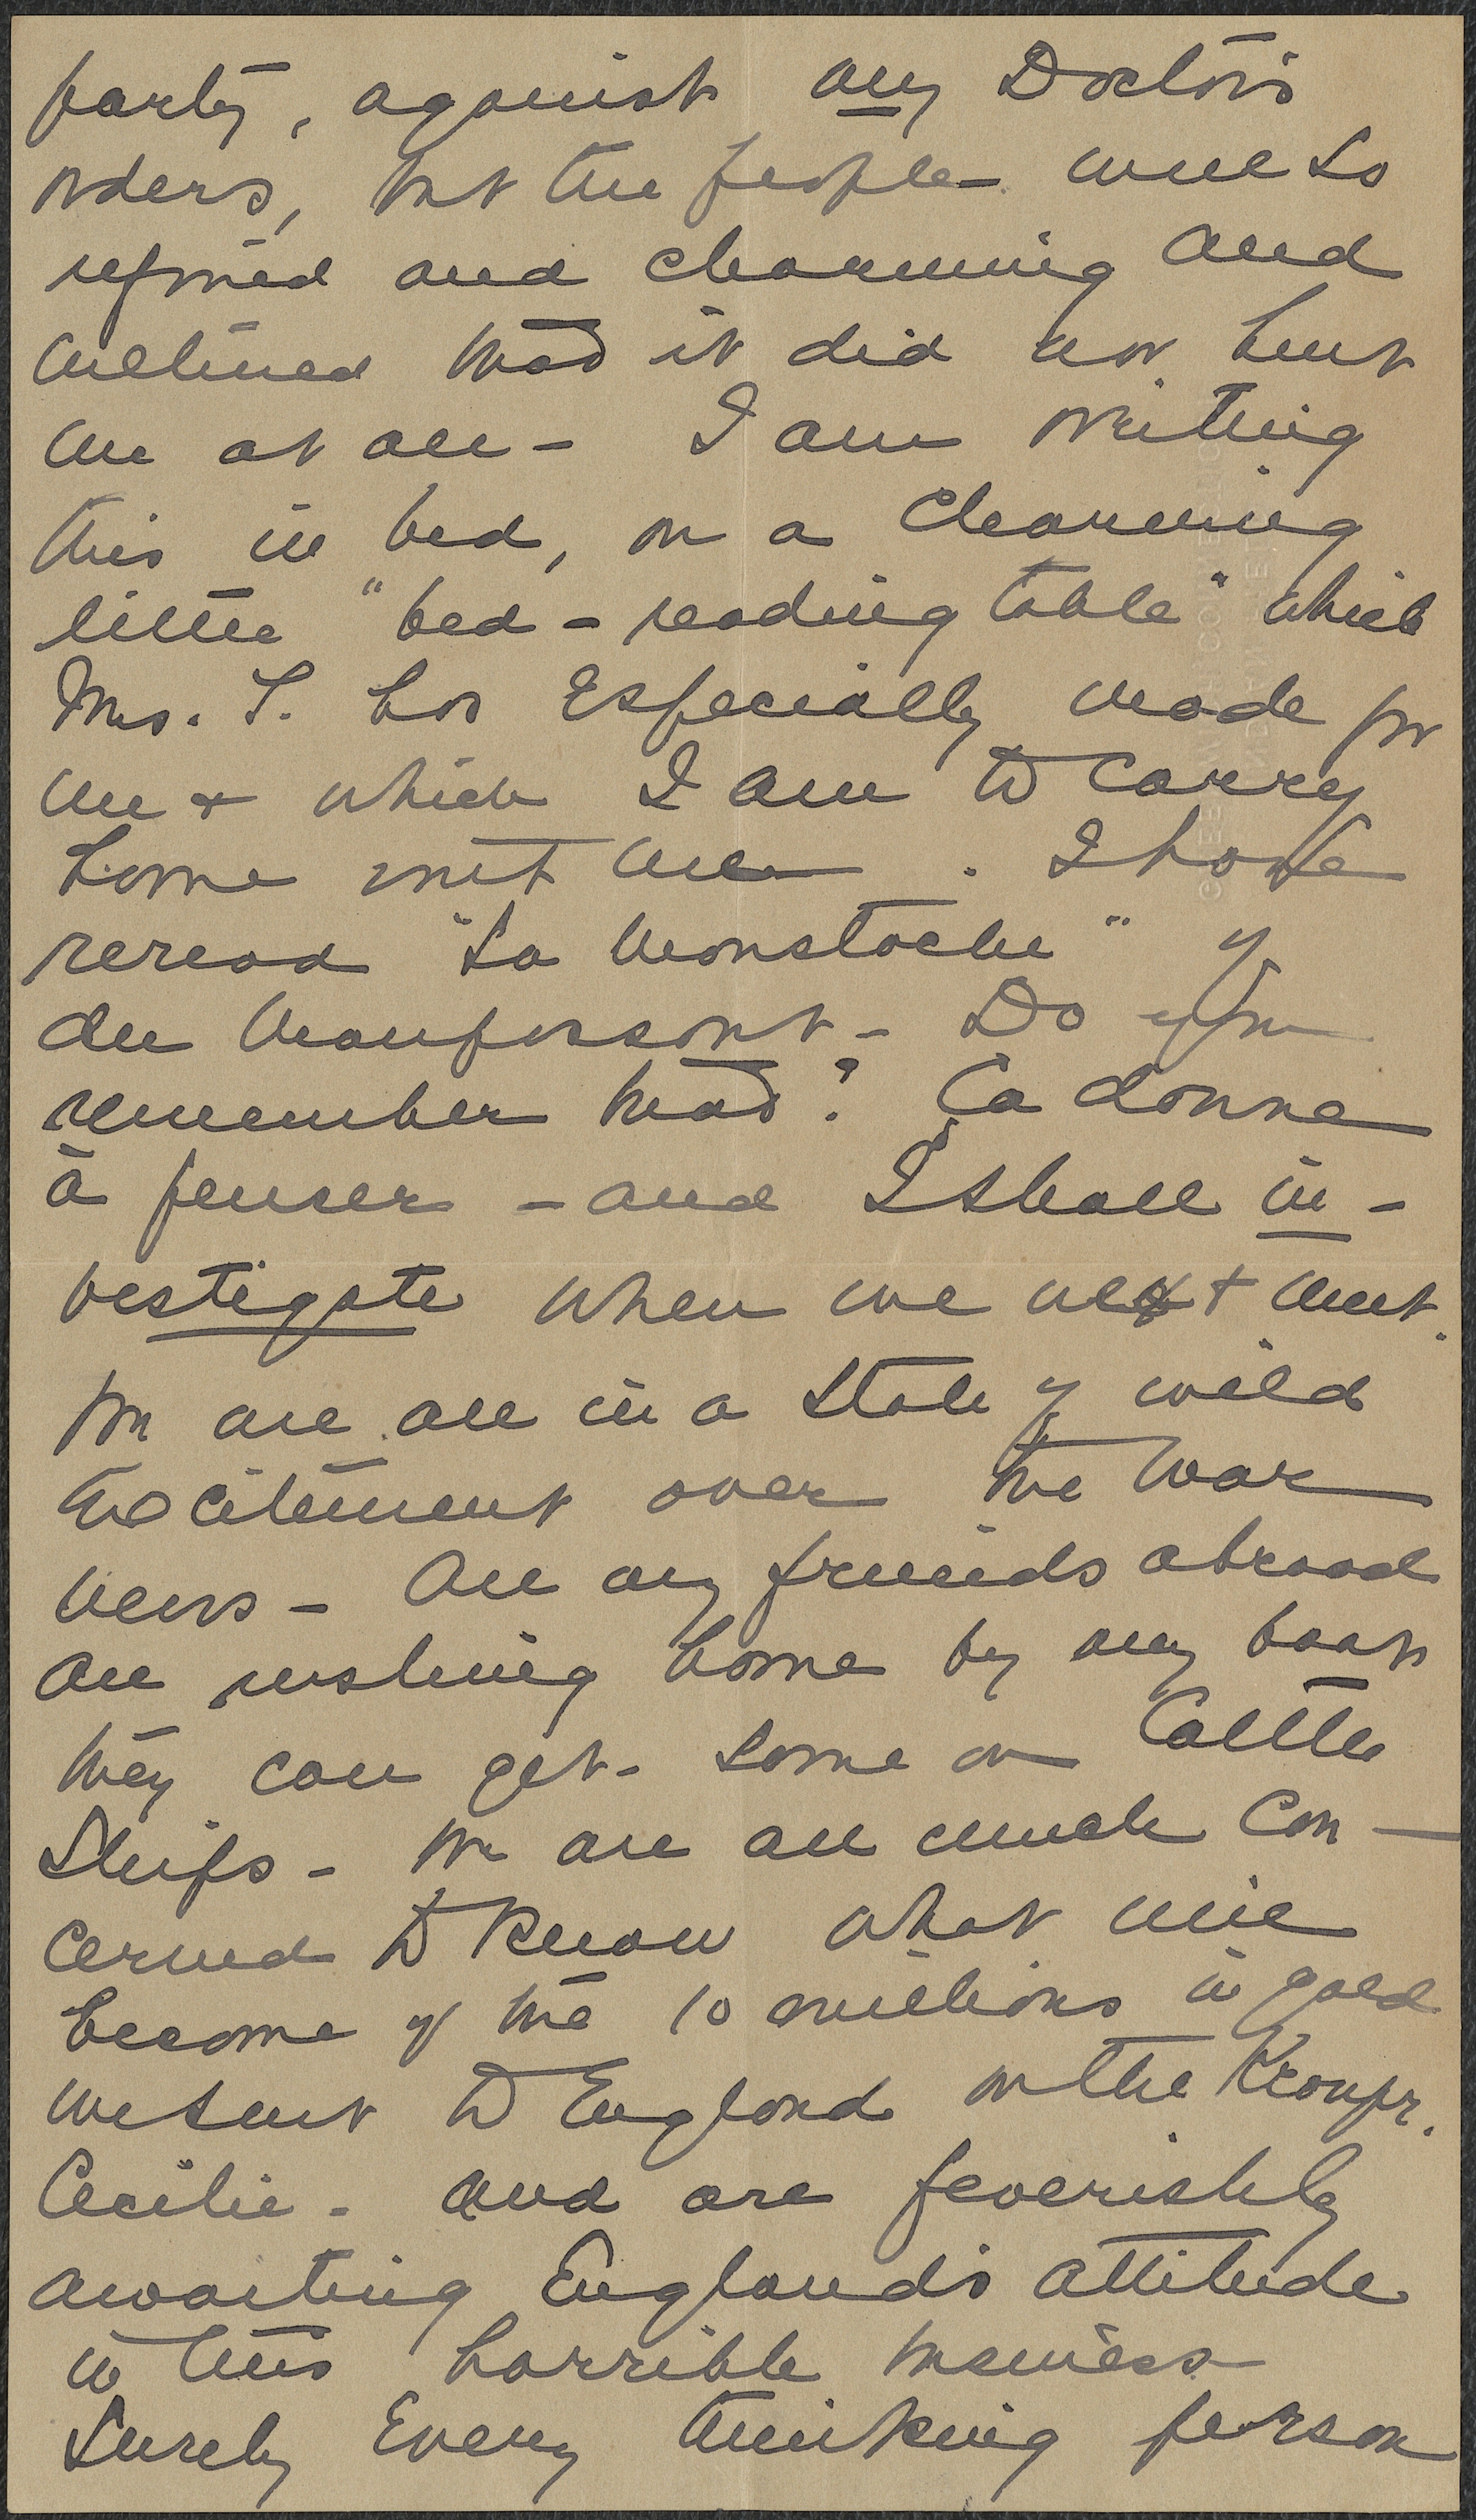party, against my Doctor’s orders, but the people were so refined and charming and cultured that it did not hurt me at all – I am writing this in bed, on a charming little “bed-reading table” which Mrs. T. has especially made for me & which I am to carry home with me. I have reread “La Moustache'' of de Maupassant – Do you remember that? Ca donne á penser – and I shall investigate when we next meet. We are all in a state of wild excitement over the war news – All my friends abroad are rushing home by any boat they can get – some on Cattle Ships – we are all much concerned to know what will become of the 10 millions in gold we sent to England on the Kronpr. Cecilie – and are feverishly awaiting England’s attitude in this horrible business – Surely every thinking person